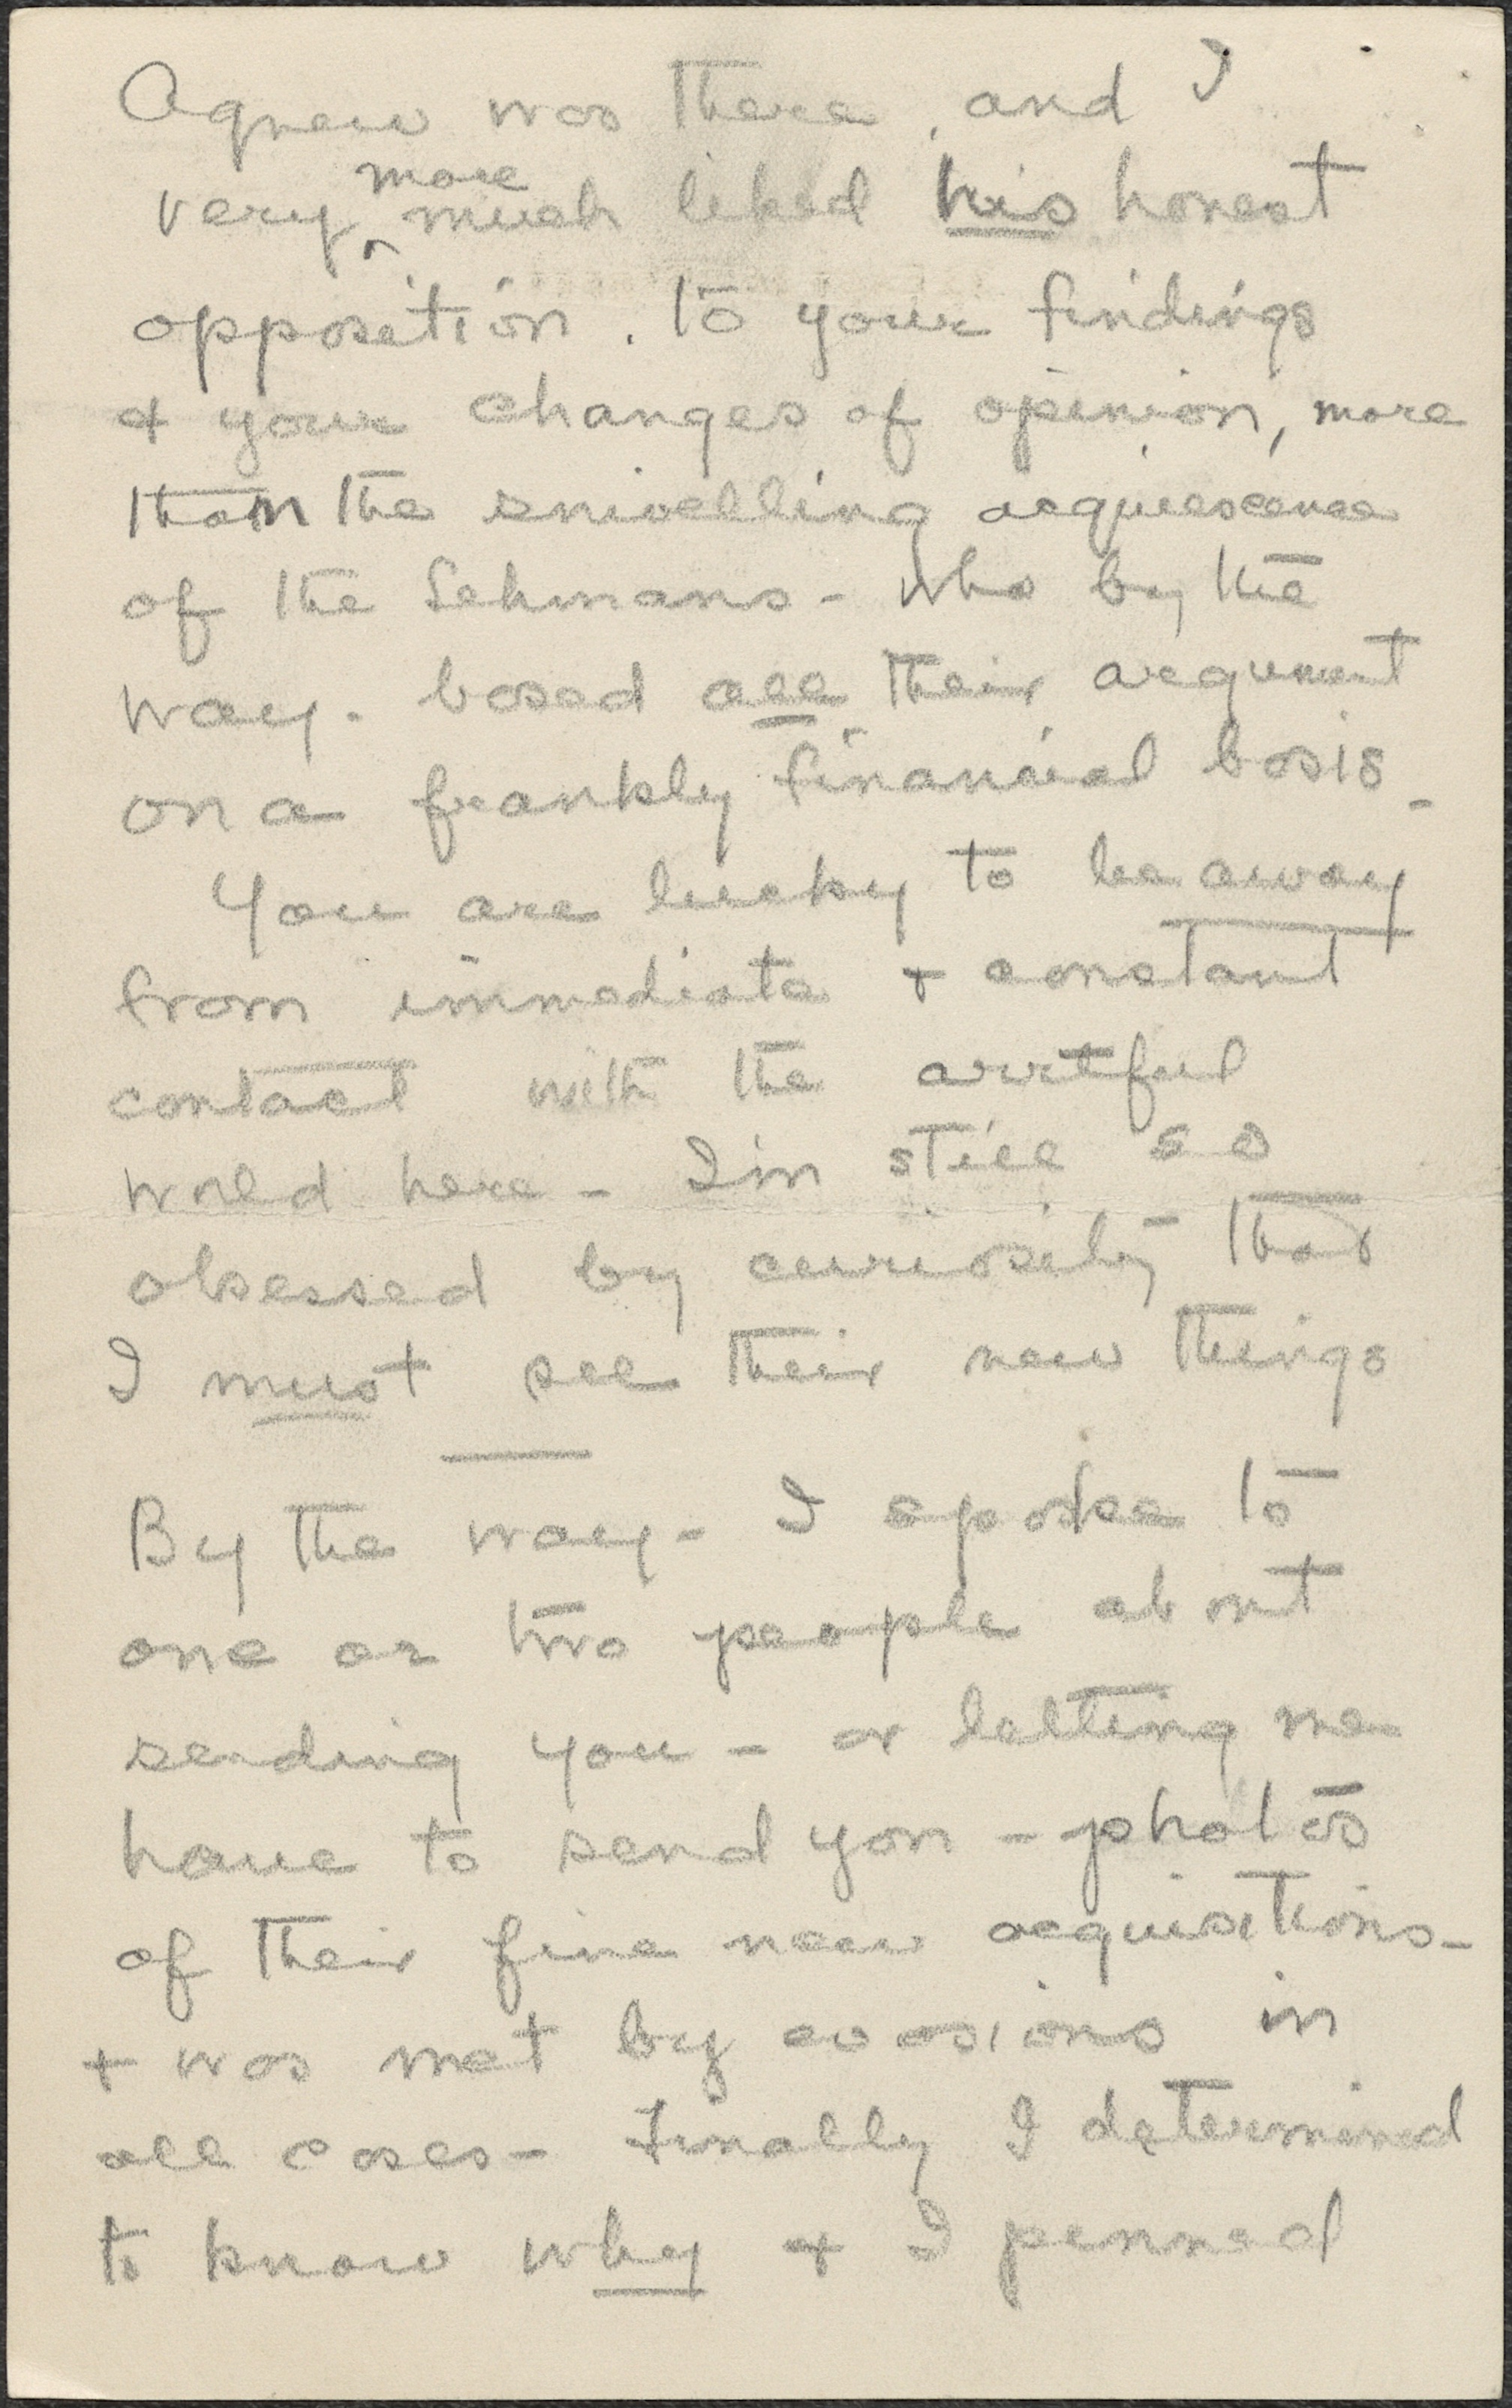Agrew was there, and I very [^more^] much liked his honest opposition to your findings & your changes of opinion, more than the snivelling [sic] acquiescence of the Lehmans – who by the way, based all their argument on a frankly financial basis –
You are lucky to be away from immediate & constant contact with the arrtful [sic] world here – I’m still so obsessed by curiosity that I must see their new things
By the way – I spoke to one or two people about sending you – or letting me have to send you – photos of their fine new acquisitions – & was met by evasions in all cases – Finally I determined to know why & I penned